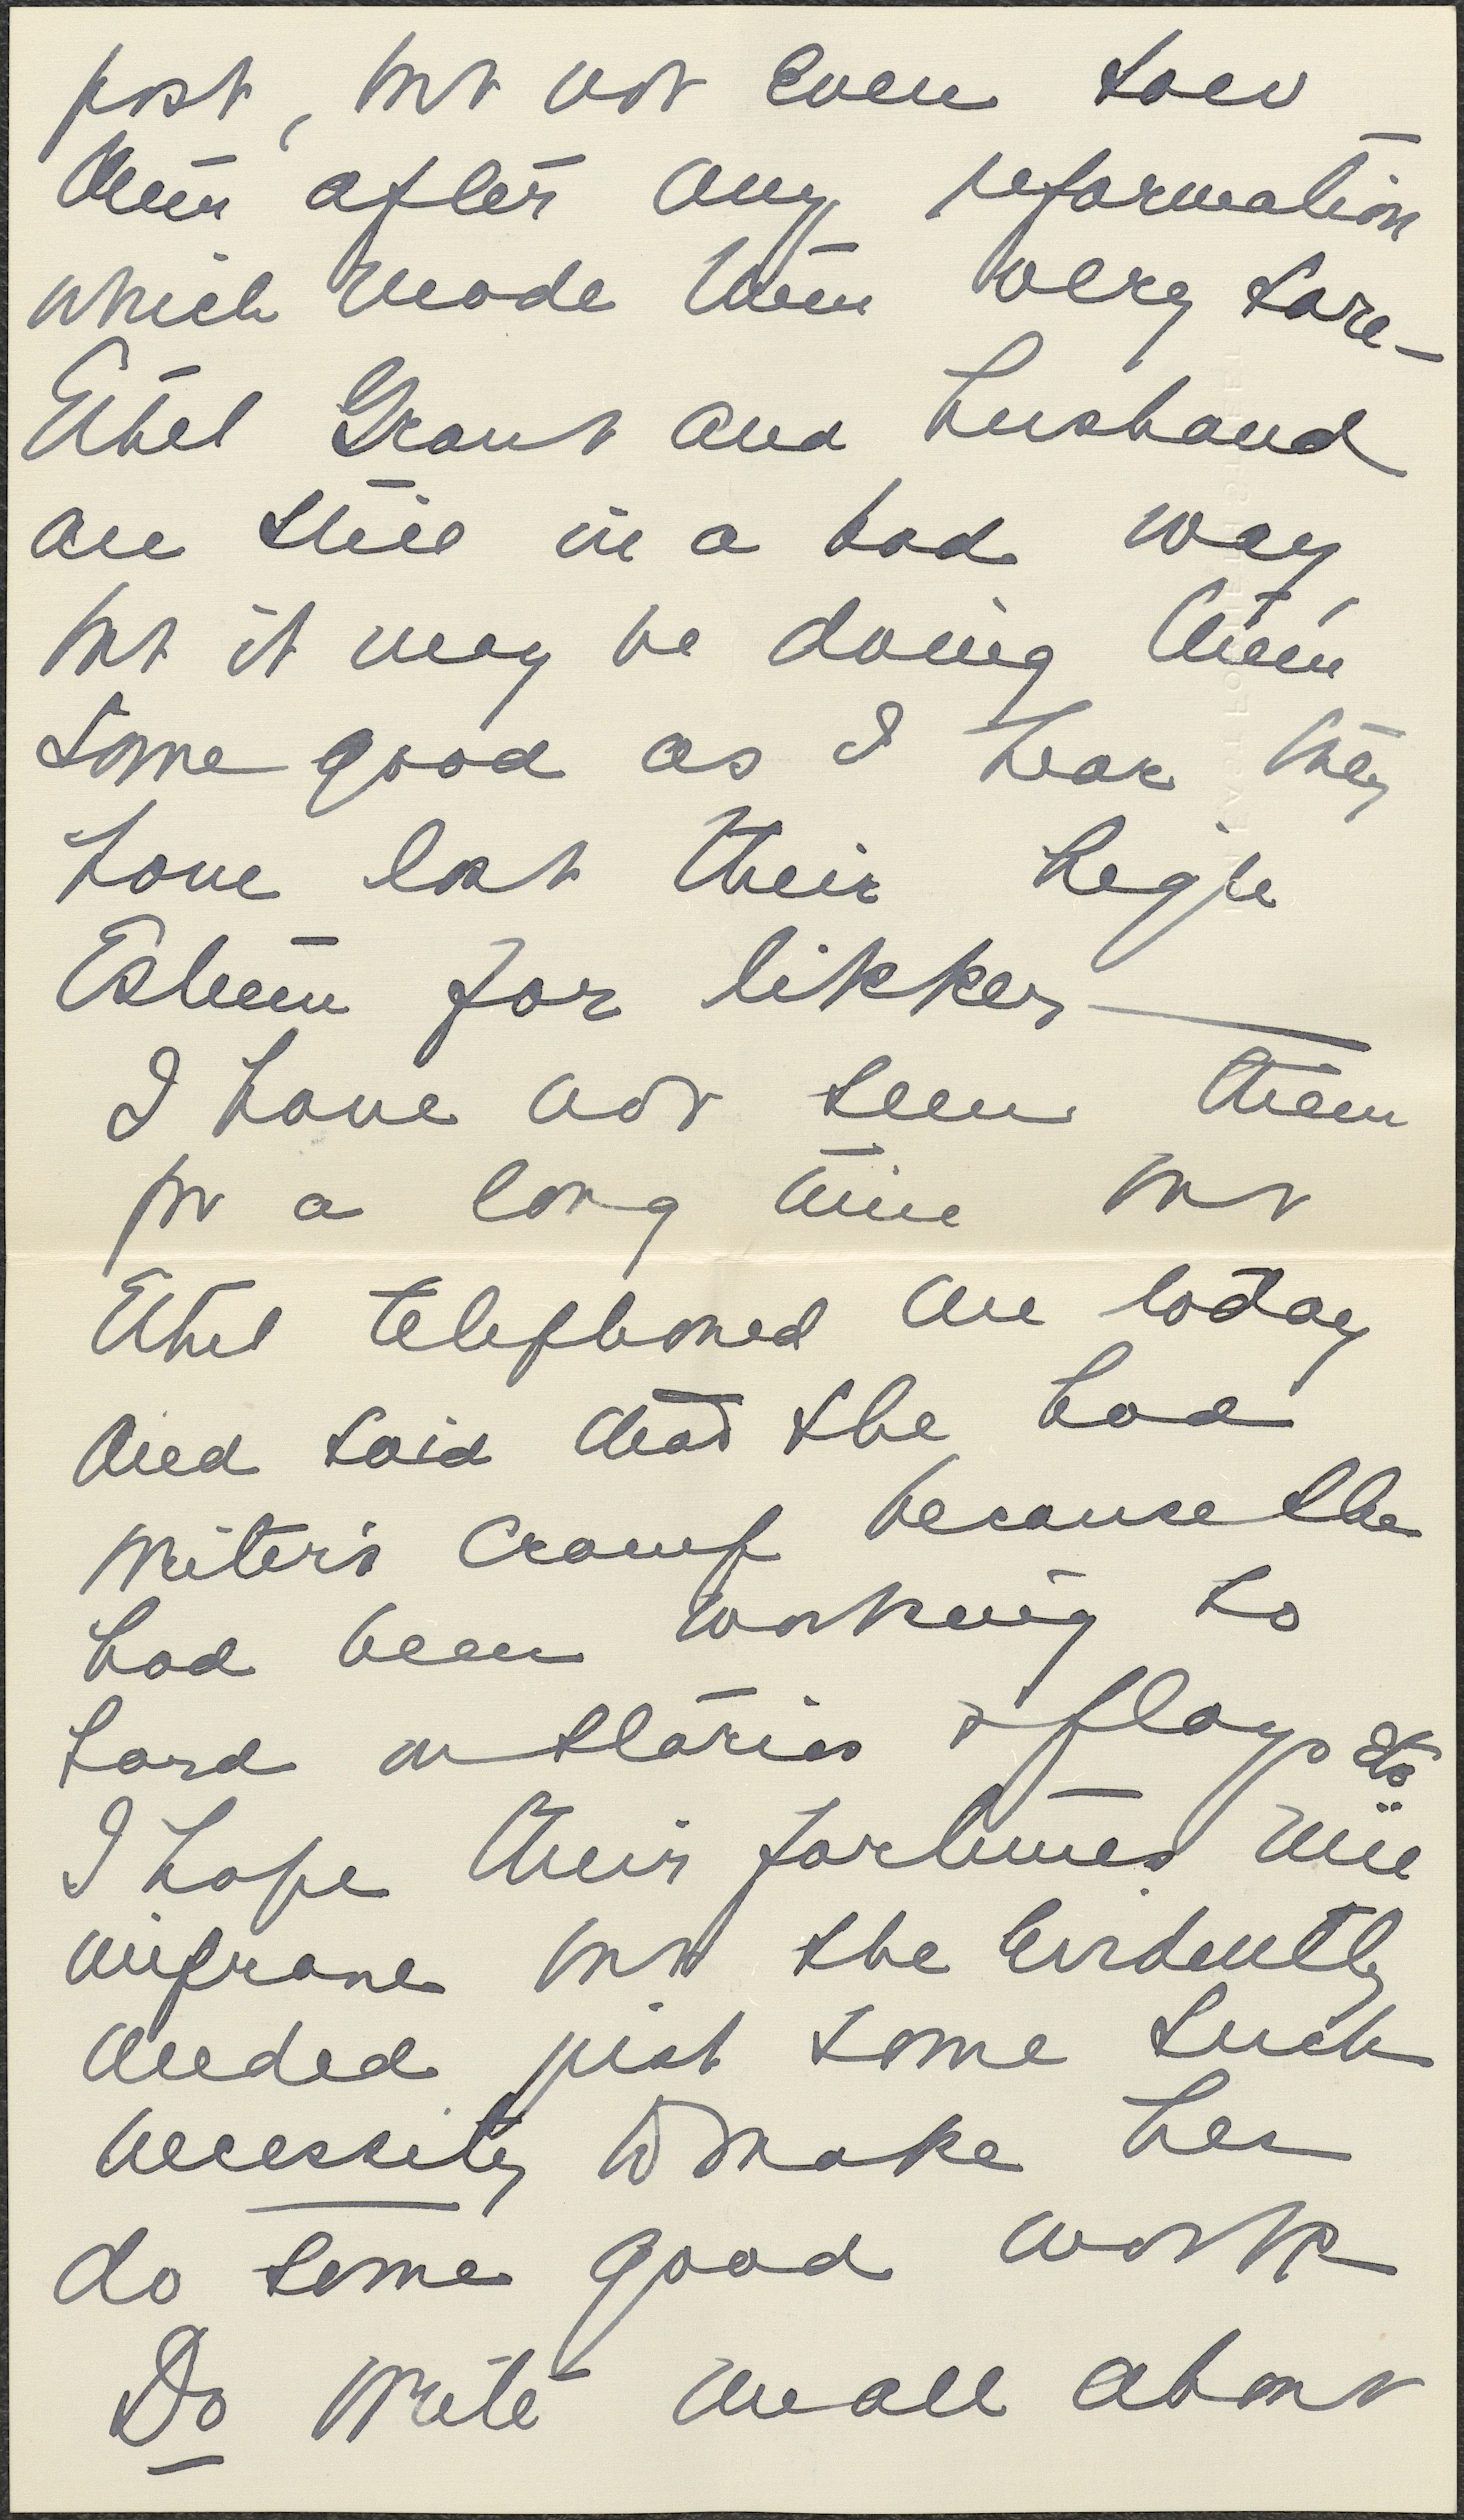past, but not even saw them after my reformation which made them very sore – Ethel Grant and husband are still in a bad way, but it may be doing them some good as I hear they have lost their high esteem for likker –
I have not seen them for a long time but Ethel telephoned me today and said that she had writer’s cramp because she had been working so hard on stories & plays etc. I hope their fortunes will improve but she evidently needed just some such necessity to make her do some good work Do write me all about